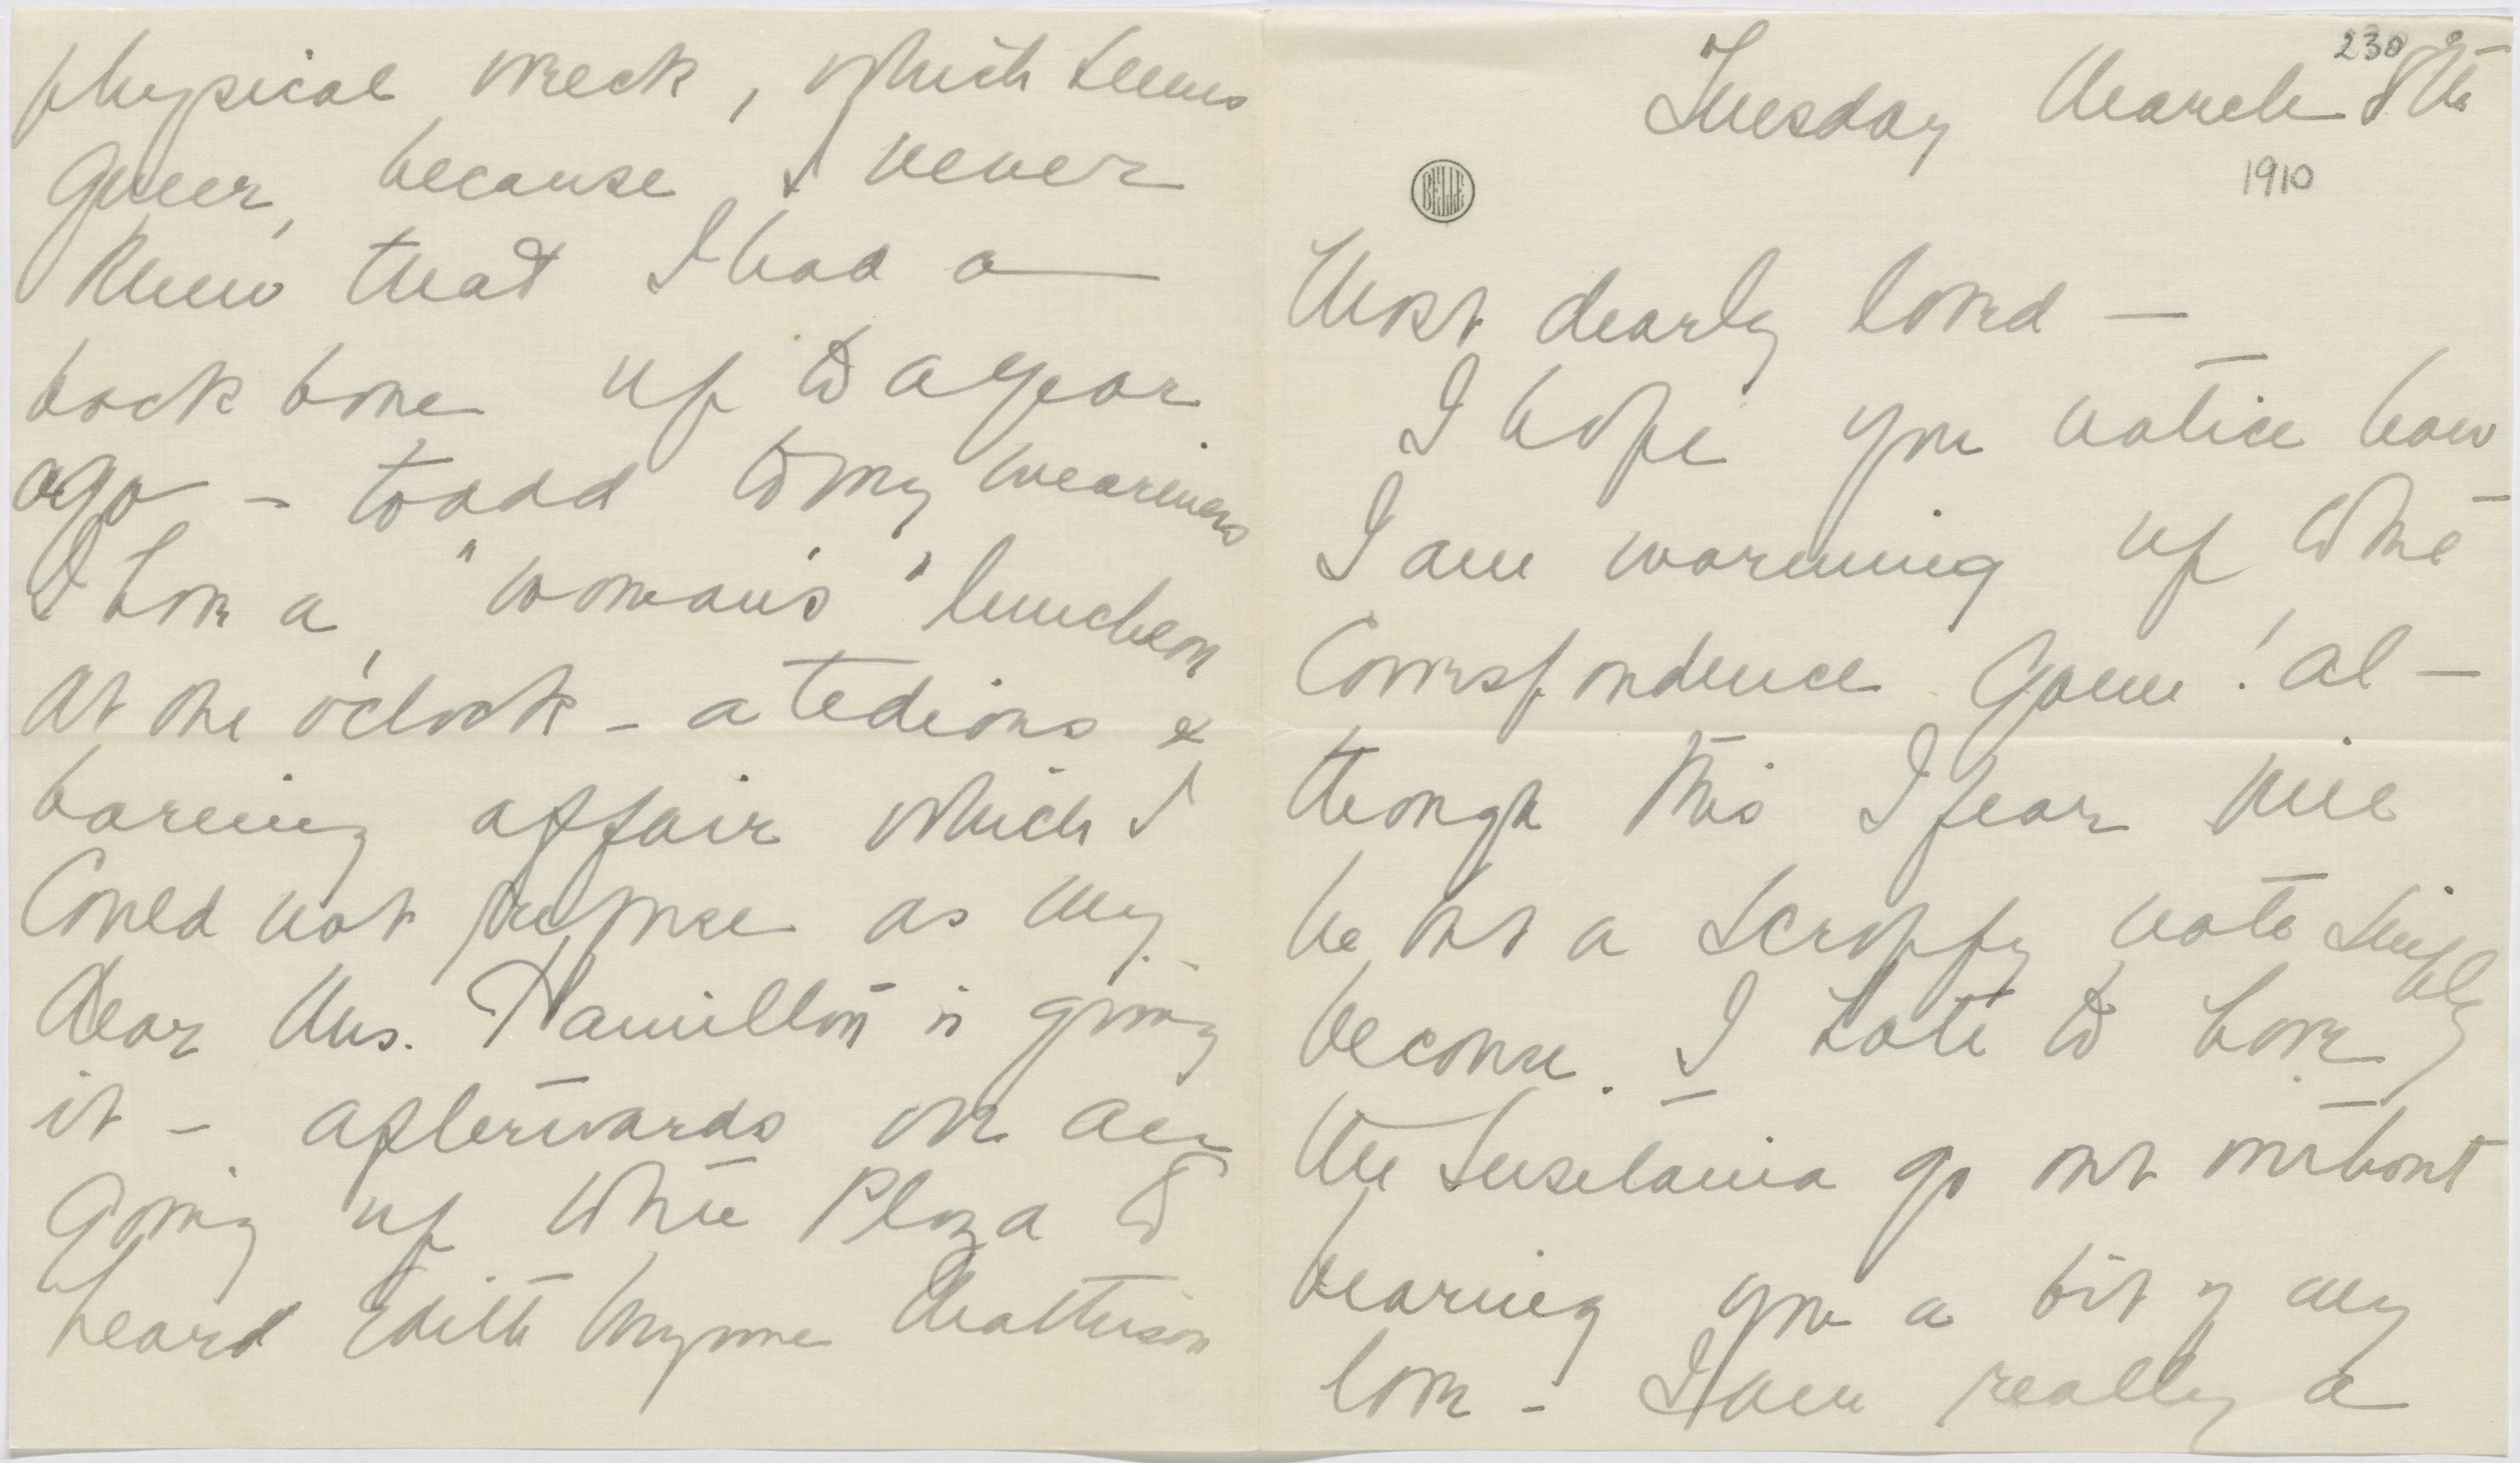Tuesday March 8th
Most dearly loved –
I hope you notice how I am warming up to the correspondence game! although this I fear will be but a scrappy note simply because I hate to have the Lusitania go out without bearing you a bit of my love – I am really a
physical wreck, which seems queer, because I never knew that I had a back bone up to a year ago – to add to my weariness I have a “woman’s” luncheon at one o’clock – a tedious & boring affair which I could not refuse as my dear Mrs. Hamilton is giving it – afterwards we are going up to the Plaza to hear Edith Wynne Matthison